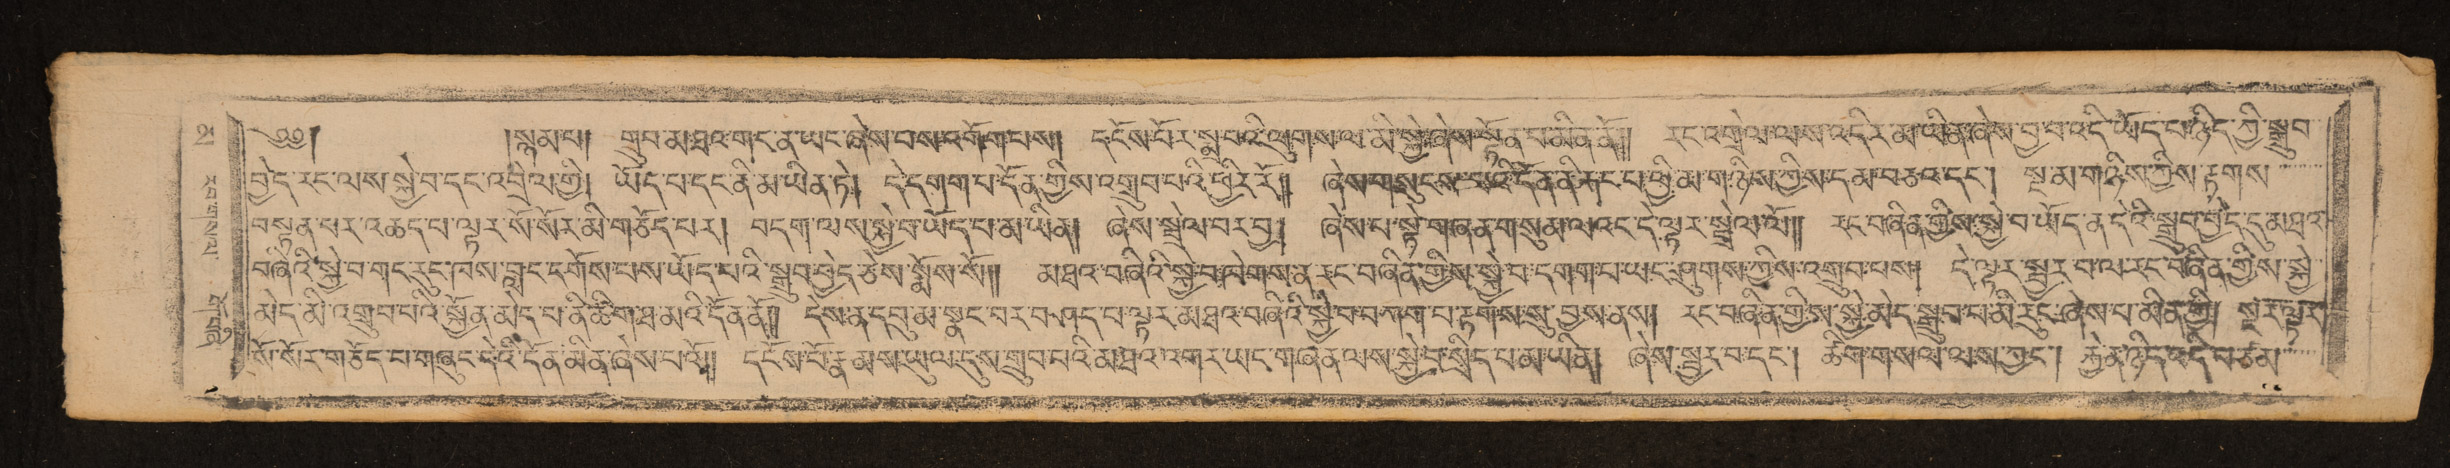༄༅། །སྙམ་པ། གྲུབ་མཐའ་གང་ན་ཡང་ཞེས་པས་འགོག་པས། དངོས་པོར་སྨྲ་བའི་ལུགས་ལ་མི་སྐྱེ་ཞེས་སྟོན་པ་མིན་ནོ།། རང་འགྲེལ་ལས་འདིར་མ་ཡིན་ཞེས་བྱ་བ་འདི་ཡོད་པ་ཉིད་ཀྱི་སྒྲུབ་
བྱེད་རང་ལས་སྐྱེ་བ་དང་འབྲེལ་གྱི། ཡོད་པ་དང་ནི་མ་ཡིན་ཏེ། དེ་དགག་པ་དོན་གྱིས་འགྲུབ་པའི་ཕྱིར་རོ།། ཞེས་གསུངས་པའི་དོན་ནི་རྐང་པ་ཕྱི་མ་གཉིས་ཀྱིས་དམ་བཅའ་དང་། སྔ་མ་གཉིས་ཀྱིས་རྟགས་
བསྟན་པར་འཆད་པ་ལྟར་སོ་སོར་མི་གཅོད་པར། བདག་ལས་སྐྱེ་བ་ཡོད་པ་མ་ཡིན། ཞེས་སྦྲེལ་བར་བྱ། ཞེས་པ་སྟེ་གཞན་གསུམ་ལའང་དེ་ལྟར་སྦྲེལ་ལོ།། རང་བཞིན་གྱིས་སྐྱེ་བ་ཡོད་ན་དེའི་སྒྲུབ་བྱེད་དུ་མཐའ་
བཞིའི་སྐྱེ་བ་གང་རུང་ཁས་བླང་དགོས་པས་ཡོད་པའི་སྒྲུབ་བྱེད་ཅེས་སྨོས་སོ།། མཐའ་བཞིའི་སྐྱེ་བ་ཁེགས་ན་རང་བཞིན་གྱིས་སྐྱེ་བ་དགག་པ་ཡང་ཤུགས་ཀྱིས་འགྲུབ་པས། དེ་ལྟར་སྦྱར་བ་ལ་རང་བཞིན་གྱིས་སྐྱེ་
མེད་མི་འགྲུབ་པའི་སྐྱོན་མེད་པ་ནི་ཚིག་ཐ་མའི་དོན་ནོ།། དེས་ན་དབུ་མ་སྣང་བར་བཤད་པ་ལྟར་མཐའ་བཞིའི་སྐྱེ་བ་བཀག་པ་རྟགས་སུ་བྱས་ནས། རང་བཞིན་གྱིས་སྐྱེ་མེད་སྒྲུབ་པ་མི་རུང་ཞེས་པ་མིན་གྱི། སྔར་ལྟར་
སོ་སོར་གཅོད་པ་གཞུང་དེའི་དོན་མིན་ཞེས་པའོ།། དངོས་པོ་རྣམས་ཡུལ་དུས་གྲུབ་པའི་མཐའ་འགར་ཡང་གཞན་ལས་སྐྱེ་བ་སྲིད་པ་མ་ཡིན། ཞེས་སྦྱར་བ་དང་། ཚིག་གསལ་ལས་ཀྱང་། རྐྱེན་ཉིད་འདི་པ་ཙམ་